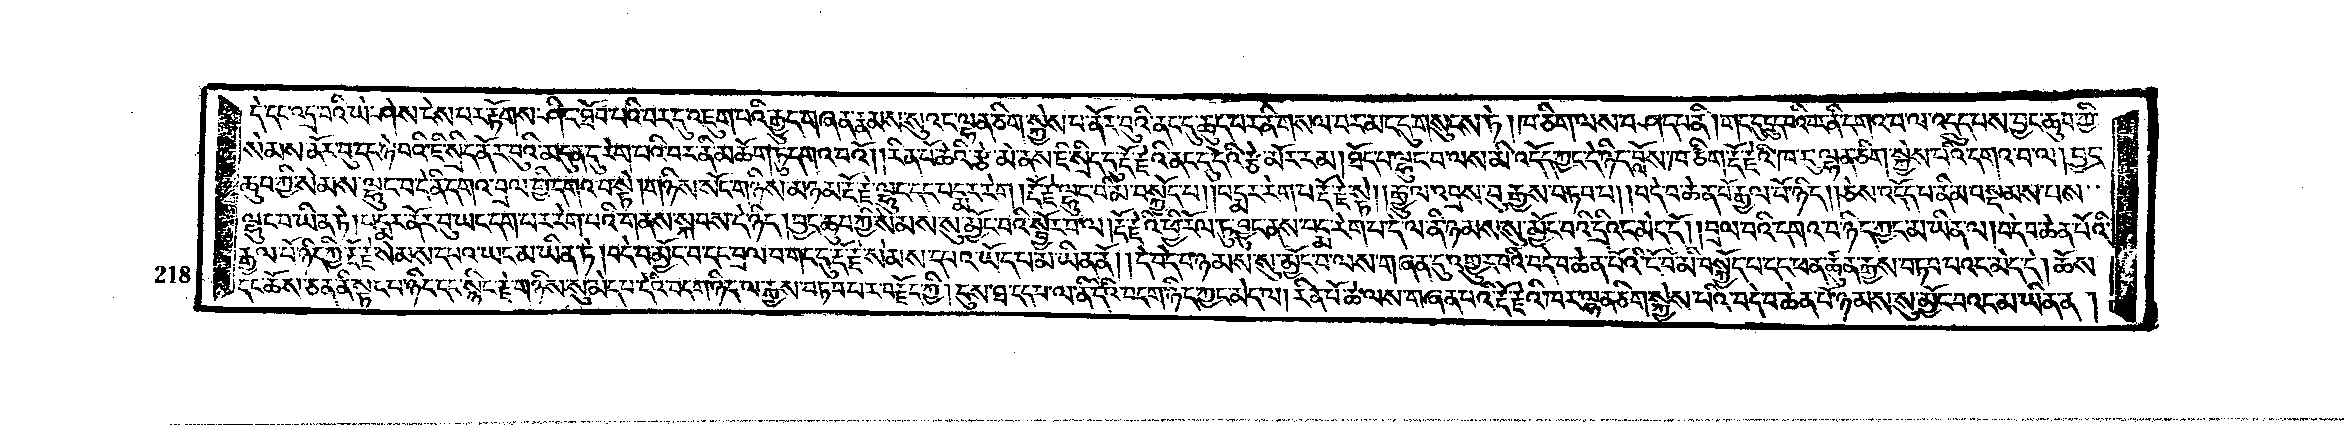དེ་དང་འདྲ་བའི་ཡེ་ཤེས་ངས་པར་རྟོགས་ཤིང་ཐོབ་པའི་བར་དུ་འཇུག་པའི་རྒྱུད་གཞན་རྣམས་སུའང་ལྷན་ཅིག་སྐྱེས་པ་ནོར་བུའི་ནང་དུ་ཆུད་པར་ནི་གསལ་བར་མང་དུ་གསུངས་ཏེ། ཁ་ཅིག་ལས་བཤད་པ་ནི། གང་དུ་དྲུད་པའི་བར་ནི་དགའ་བ་ལ་འདྲུད་པས་བྱང་ཆུབ་ཀྱི་
སེམས་ནོར་བུ་དང་ཉེ་བའི་ཇི་སྲིད་ནོར་བུའི་མདུན་དུ་རེག་པའི་བར་ནི་མཆོག་ཏུ་དགའ་བའོ། །རིན་པོ་ཆེའི་རྩེ་མོ་ནས་ཇི་སྲིད་དུ་རྡོ་རྗེའི་ནང་དུ་དེའི་རྩེ་མོར་རམ། ཐོད་པ་ལྷུང་བ་ལས་མི་འདོད་ཀྱང་དེ་ཉིད་བློས་ཁ་ཅིག་རྡོ་རྗེའི་ཁ་རུ་ལྷན་ཅིག་སྐྱེས་པའི་དགའ་བ་ལ། བྱང་
ཆུབ་ཀྱི་སེམས་ལྷུང་བ་དེ་ནི་དགའ་བྲལ་གྱི་དགའ་བ་སྟེ། གཉིས་སོང་གཉིས་མཉམ་རྡོ་རྗེ་ལྷུང་དང་པདམར་རེག །རྡོ་རྗེ་ལྷུང་བ་མི་བསྐྱོད་པ། །པདམར་རེག་པ་རྡོ་རྗེ་སྟེ། །རྒྱུ་ལ་འབྲས་བུ་རྒྱས་བཏབ་པ། །བདེ་བ་ཆེན་པོ་རྒྱལ་པོ་ཉིད། །ཅེས་འདོད་པ་ནི་མ་བསྡམས་པས་
ལྷུང་བ་ཡིན་ཏེ། པདམར་ནོར་བུ་ཡང་དག་པར་རེག་པའི་གནས་སྐབས་དེ་ཉིད། བྱང་ཆུབ་ཀྱི་སེམས་སུ་མྱོང་བའི་སྦྱོར་བ་ལ། རྡོ་རྗེའི་ཕྱི་རོལ་ཏུ་བྱུང་ནས་པདམ་རེག་པ་དེ་ལ་ནི་ཉམས་སུ་མྱོང་བའི་དྲིའང་མེད་དོ། །བྲལ་བའི་དགའ་བ་ཉིད་ཀྱང་མ་ཡིན་ལ། བདེ་བ་ཆེན་པོའི་
རྒྱལ་པོ་ཉིད་ཀྱི་རྡོ་རྗེ་སེམས་དཔའ་ཡང་མ་ཡིན་ཏེ། བདེ་བ་མྱོང་བ་དང་བྲལ་བ་གང་དུ་རྡོ་རྗེ་སེམས་དཔའ་ཡོད་པ་མ་ཡིན་ནོ། །དེ་བདེ་བ་ཉམས་སུ་མྱོང་བ་ལས་གཞན་དུ་འགྱུར་བའི་བདེ་བ་ཆེན་རྡྤོའི་ངོ་བོ་མི་བསྐྱོད་པ་དང་ཕན་ཚུན་རྒྱས་བཏབ་པའང་མེད་དེ། ཆོས་
དང་ཆོས་ཅན་ནི་སྟོང་ཉིད་དང་སྙིང་རྗེ་གཉིས་སུ་མེད་པ་དེའི་བདག་ཉིད་ལ་རྒྱས་བཏབ་པར་བརྗོད་ཀྱི། དུས་ཐ་དད་པ་ལ་ནི་དེའི་བདག་ཉིད་ཀྱང་མེད་ལ། རིན་པོ་ཆེ་ལས་གཞན་པའི་རྡོ་རྗེའི་ཁར་ལྷན་ཅིག་སྐྱེས་པའི་བདེ་བ་ཆེན་པོ་ཉམས་སུ་མྱོང་བའང་མ་ཡིན་ན།